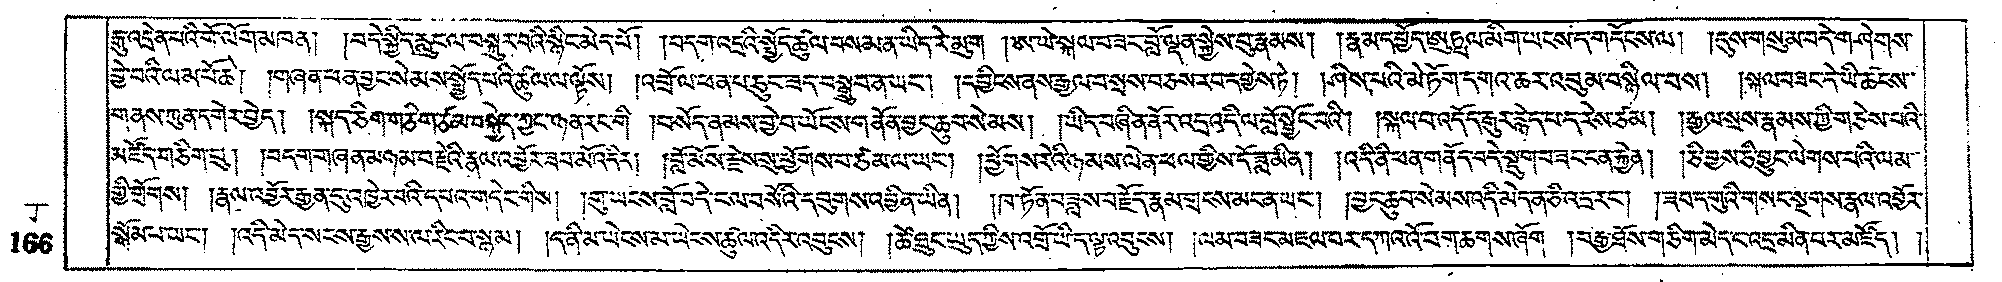རྒུ་འདྲེན་པའི་གོ་ལོག་མཁན། །བདེ་སྐྱིད་རླུང་ལ་བསྐུར་བའི་སྙིང་མེད་པོ། །བདག་འདྲའི་སྤྱོད་ཚུལ་བསམ་ན་ཡིད་རེ་མུག །ཨ་ཡེ་སྐལ་བཟང་བློ་ལྡན་སྐྱེས་བུ་རྣམས། །རྣམ་དཔྱོད་ཨུཏྤལ་མིག་ཡངས་ད་གདོངས་ལ། །དུས་གསུམ་བདེ་གཤེགས་
བྱེ་བའི་ལམ་པོ་ཆེ། །གཞན་ཕན་བྱང་སེམས་སྤྱོད་པའི་ཚུལ་ལ་ལྟོས། །འགྲོ་ལ་ཕན་པ་ཅུང་ཟད་བསྒྲུབ་ན་ཡང་། །དབྱིངས་ནས་རྒྱལ་བ་སྲས་བཅས་རབ་དགྱེས་ཏེ། །ཤིས་པའི་མེ་ཏོག་དགའ་ཆར་འབུམ་བསྙིལ་བས། །སྐལ་བཟང་དེ་ཡི་ཚངྶ་་་
གནས་ཀུན་དགེར་བྱེད། །སྐད་ཅིག་གཅིག་ཙམ་བསྐྱེད་ཀྱང་ཉན་རང་གི །བསོད་ནམས་བྱེ་བ་ཡོངས་གནོན་བྱང་ཆུབ་སེམས། །ཡིད་བཞིན་ནོར་འདྲ་འདི་ལ་བློ་སྦྱོང་བའི། །སྐལ་བ་འདོད་རྒུར་རྙེད་པ་ད་རེས་ཙམ། །རྒྱལ་སྲས་རྣམས་ཀྱི་གཅེས་པའི་
མཛོད་གཅིག་པུ། །བདག་གཞན་མཉམ་བརྗེའི་རྣལ་འབྱོར་ཟབ་མོ་འདིར། །བློ་མོས་རྗེས་སུ་ཕྱོགས་པ་ཙམ་ལ་ཡང་། །ཕྱོགས་རེའི་ཉམས་ལེན་ཕལ་གྱིས་དོ་ཟླ་མིན། །འདི་ནི་ཕན་གནོད་བདེ་སྡུག་བཟང་ངན་རྐྱེན། །ཅི་བྱས་ཅི་བྱུང་ལེགས་པའི་ལམ་་་
གྱི་གྲོགས། །རྣལ་འབྱོར་རྒྱན་དུ་འཁྱེར་བའི་དཔའ་གདེང་གིས། །གུ་ཡངས་བློ་བདེ་ངལ་བསོའི་དབུགས་འབྱིན་ཡིན། །ཁ་ཏོན་བཟླས་བརྗོད་རྣམ་གྲངས་མང་ན་ཡང་། །བྱང་ཆུབ་སེམས་འདི་མེད་ན་ཅི་འདྲ་རང་། །ཟབ་དགུའི་གསང་སྔགས་རྣལ་འབྱོར་
སྒོམ་པ་ཡང་། །འདི་མེད་སངས་རྒྱས་ས་ལ་རིང་བ་སྙམ། །ད་ནི་མ་ཡེངས་མ་ཡེངས་ཚུལ་འདིར་འབུངས། །ཚེ་ཐུང་ཡུད་ཀྱིས་འགྲོ་ཡི་ད་ལྟ་འབུངས། །ལམ་བཟང་མཇལ་བར་དཀའ་འོ་བག་ཆགས་ཞོག །བརྒྱ་ཐོས་གཅིག་མེད་ང་འདྲ་མིན་པར་མཛོད། །